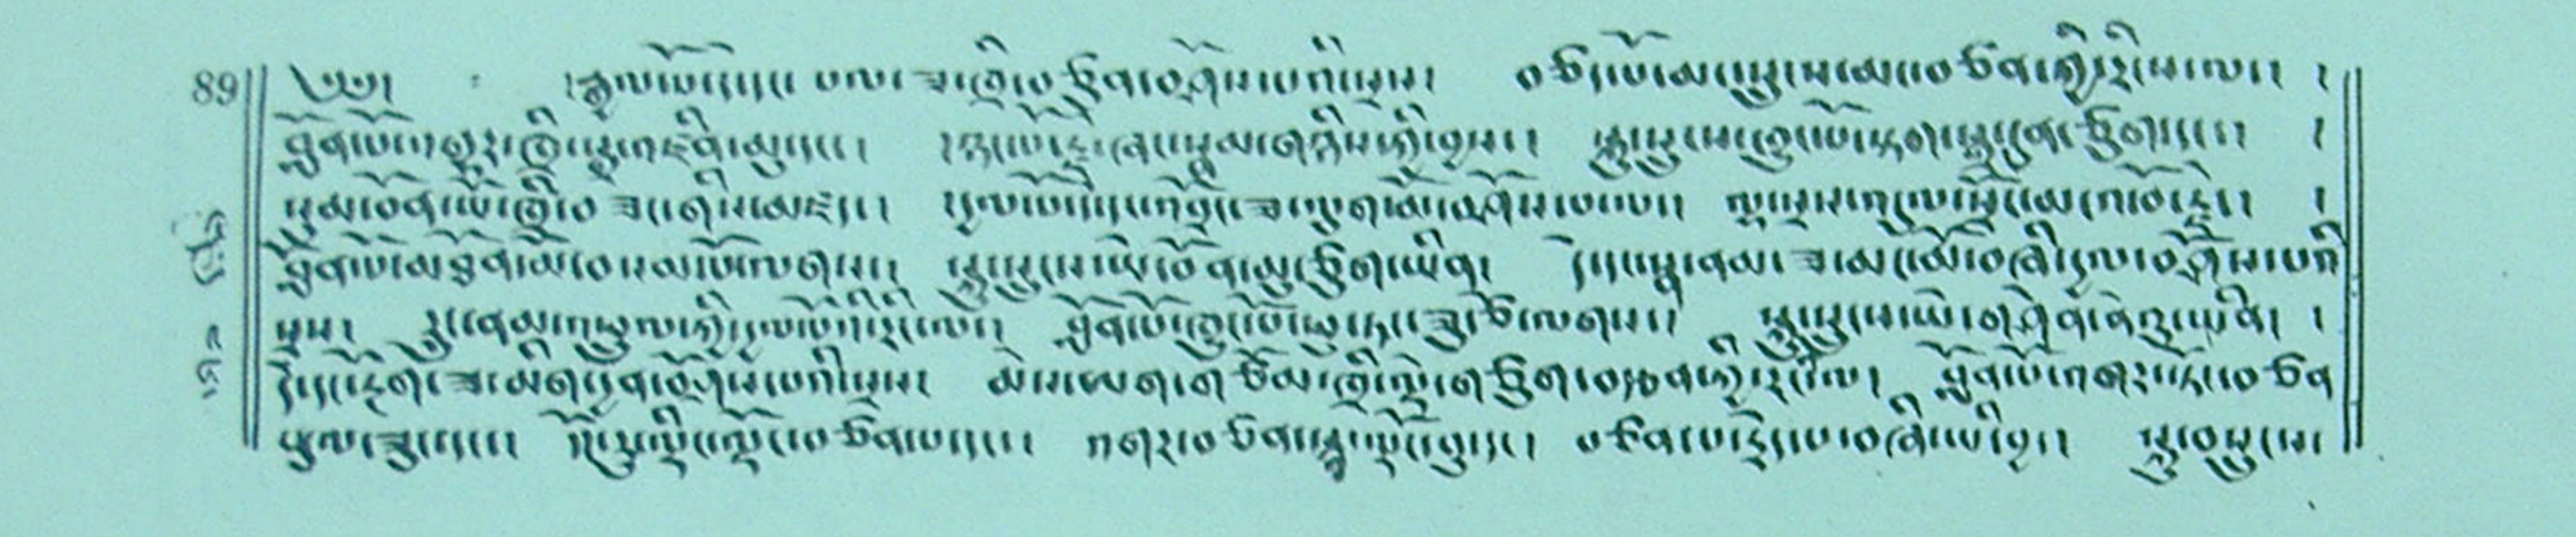༄༅། །རྒྱལ་པོ་དེ་དང་བལ་ཟ་ཁྲི་བཙུན་བཤོས་པའི་སྲས། བཙན་པོ་མང་སྲུང་མང་བཙན་གྱི་རིང་ལ། 
བློན་པོ་འགྷར་ཁྲི་སྒྲ་འཛིན་མུ་དང་། ཉང་པོ་རྗེ་ཞང་སྣམ་གཉིས་ཀྱིས་བྱས། སྐུ་སྲུང་ཁྱུང་བོ་སྟག་སྒྲ་དུན་ཙུག་དང་། 
སུམ་བོན་ཡེ་ཁྲི་བཟང་གིས་མཛད། རྒྱལ་བོ་དེ་དང་འབྲོང་ཟ་ལུག་མོ་བཤོས་པ་ལ། ལྷ་སྲས་འདུལ་སྲོང་མང་བོ་རྗེ། 
བློན་པོ་ཐོན་མི་བསམ་པོ་ལགས། སྐུ་སྲུང་ཡེ་བོན་མུ་ཙུག་ཡིན། དེ་དང་སྣ་ནམ་ཟ་མང་མོ་བཞི་རྒྱལ་བཤོས་པའི་
སྲས། རླུང་ནམ་འཕྲུལ་གྱི་རྒྱལ་པོའི་རིང་ལ། བློན་པོ་ཁྱུང་པོ་ཡུ་ཏང་ཟུ་ཙེ་ལགས། སྐུ་སྲུང་ཡེ་གཤེན་ནེའུ་ཡིན། 
དེ་དང་རྔོག་ཟ་མིག་རྒྱན་བཤོས་པའི་སྲས། མེས་ཨག་གཙོམ་ཁྲི་ལྡེ་གཙུག་བཙན་གྱི་རིང་ལ། བློན་པོ་འགར་སྟོང་བཙན་
ཡུལ་ཟུང་དང་། དེ་རུ་ལྡིང་ལྟོང་བཙན་པ་དང་། འགར་བཙན་སྙ་ལྡོང་བུ་དང་། བཙན་པ་དྲེག་པ་བཞི་ཡི་བྱ། སྐུ་བསྲུངས་